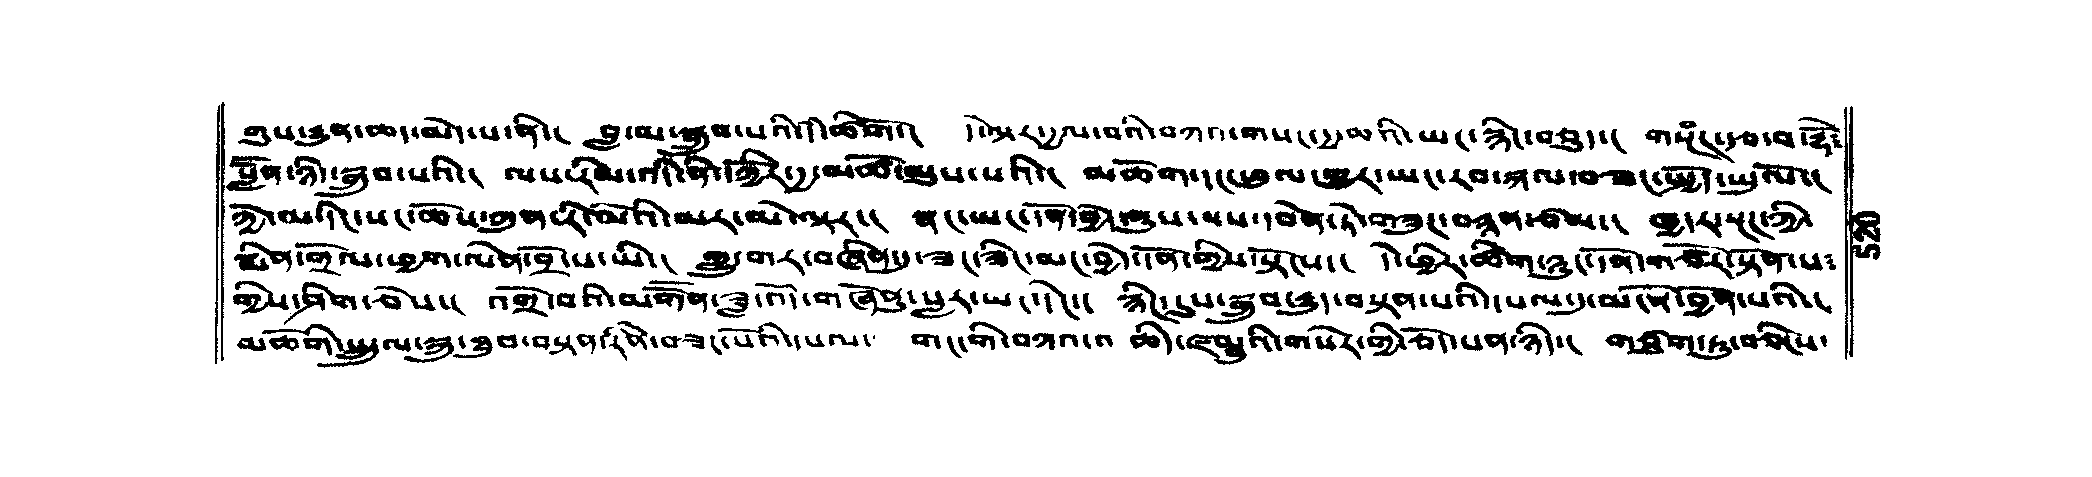གུས་རྒྱུན་ཆད་མེད་པ་ནི། །བླ་མ་སྒྲུབ་པའི་དམ་ཚིག་གོ་།དེ་ལྟར་རྒྱལ་བའི་བཀའ་གསང་རྒྱ་ཆའི་ཡང་བཅུད། །གསང་སྔགས་རྩ་བ་རྡོ་རྗེ་
སློབ་དཔོན་ཉིད་སྒྲུབ་པའི། །ལས་རིམ་འདི་ནི་དཀྱིལ་འཁོར་རྒྱ་མཚོ་མ་ལུས་པའི། །མཆོག་དང་ཕུལ་ཡང་རབ་བསྐལ་བཟང་སྤྱོད་ཡུལ་ལོ། 
ཀྱེ་མ་དིང་སང་ཆོས་ཀུན་རི་མོའི་མར་མེ་ལྟར། །སྣང་ཡང་དོན་བྱེད་ནུས་པའི་དབེན་ཏེ་གཟུག་སབརྙན་ཙམ། །ཁྱད་པར་སྔགས་ཀྱི་
སྨིན་གྲོལ་ཕྱག་ལེན་བྲོ་པ་ཡི། །གླུ་གར་བཞིན་དུ་ཟང་ཟིང་མང་བྱེད་དོན་གྱིས་སྟོངས། །དེ་ཕྱིར་ཚིག་ཉུང་དོན་གཙོར་སྟོན་པ་
གྱིས་ཤིག་ཅེས། །འགྲོ་བའི་མགོན་པོ་ཟླ་འོད་གཞོན་ནུ་སླར་ཡང་དེང་། །སྙིགས་དུས་སྒྲུབ་རྒྱུད་བསྟན་པའི་དཔལ་དུ་མངོན་བྱོན་པའི། །
མཆོག་གི་སྤྲུལ་སྐུ་ཐུབ་བསྟན་ལརིན་ཆེན་བཟང་པོའི་དཔལ། །གང་གི་བཀའ་མཆིད་ཛམྦུའི་གསེར་གྱི་ལཅོད་པན་ཉིད། །གཙིག་ཏུ་བཅིངས་